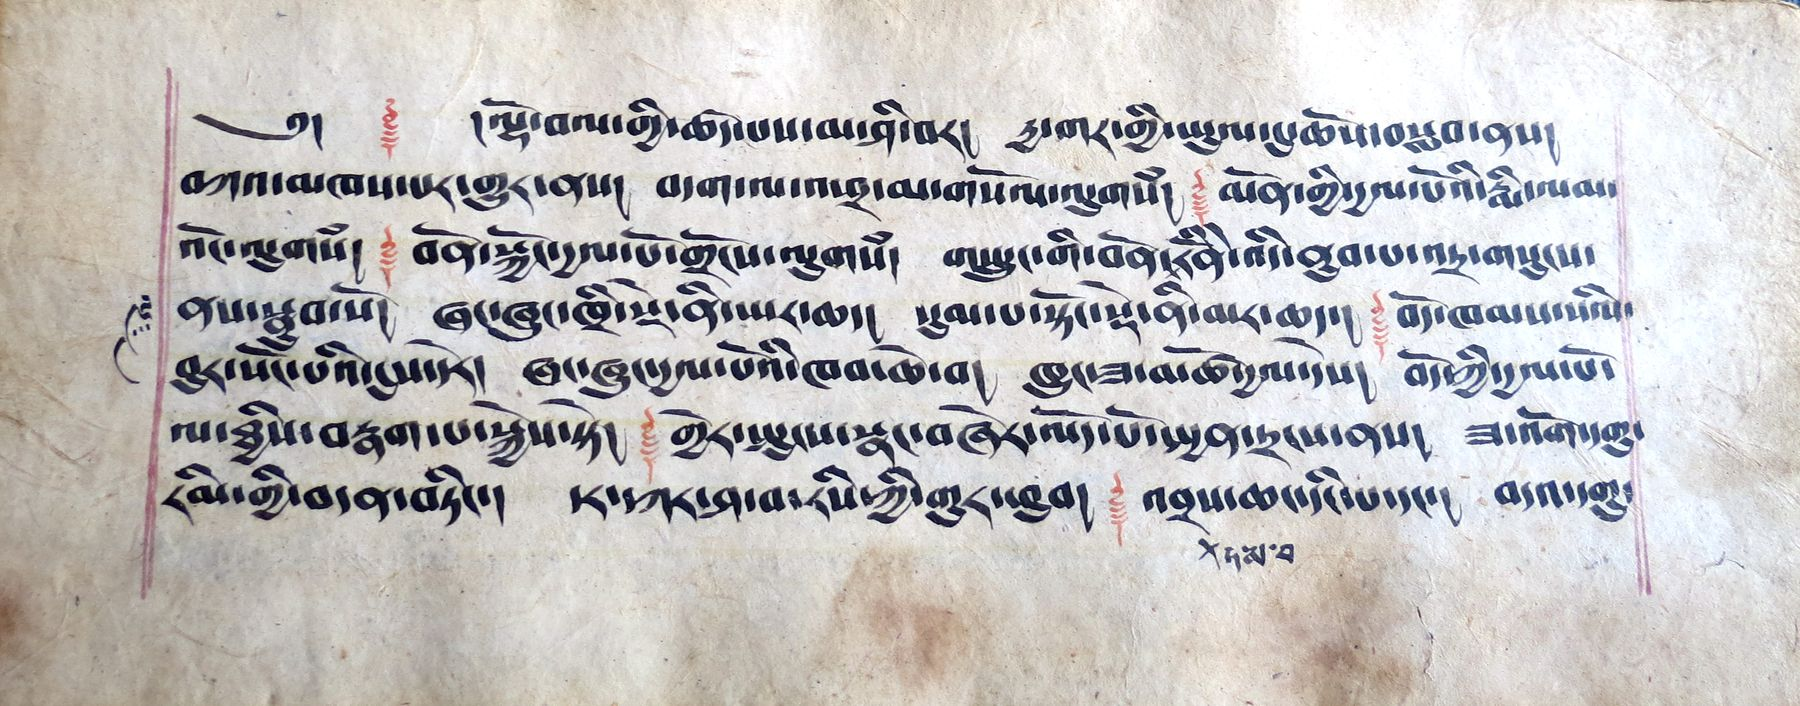ལྷོ་བལ་གྱི་ཚད་པས་མ་ཤི་བར། རྒྱ་གར་གྱི་ཡུལ་དུ་ཆོས་བསླབ་ནས། 
མཁས་པ་གྱུར་ནས་བདག་ལ་ཕྲ་མ་གསོལ་ལུགས་སམ། བོན་སྐྱོང་རྒྱལ་པོ་བཀྲོངས་ལུགས་སམ། 
མོན་གྱི་རྒྱལ་པོའི་རྨི་ལྟས་འོང་ལུགས་སམ། གཡུང་དྲུང་གི་བོན་རིན་པོ་ཆེ་འདི་ནི་ནུབ་པ་འདྲ་གསུངས་
ནས་བསྣུབས་སོ། ། ཞང་ཞུང་ཁྲི་སྡེ་ནི་ཡར་ཆད། སུམ་པ་སྟོང་སྡེ་ནི་མར་བུད། བོད་སིལ་
བུར་སོང་བའི་དུས་དེར། ཞང་ཞུང་གི་རྒྱལ་པོའི་ཁབ་ཆེན་མ་ཁྱུང་བཟའ་མཚོ་རྒྱལ་དེས། བོད་ཀྱི་རྒྱལ་པོ་
ལ་ཐུགས་ཀྱི་བརྣག་པ་སྐྱེས་ནས། གྱེར་སྤུངས་སྣང་བཞེར་ལོད་པོ་སྤྱན་དྲངས། ཟ་འོག་དགུ་
རིམ་གྱི་གདན་བཏིངས། དར་དཀར་ཤ་བ་རིས་ཀྱི་གུར་ཕུབ། འབྲས་ཆང་དིང་བ་དང་། བདའ་དགུ་